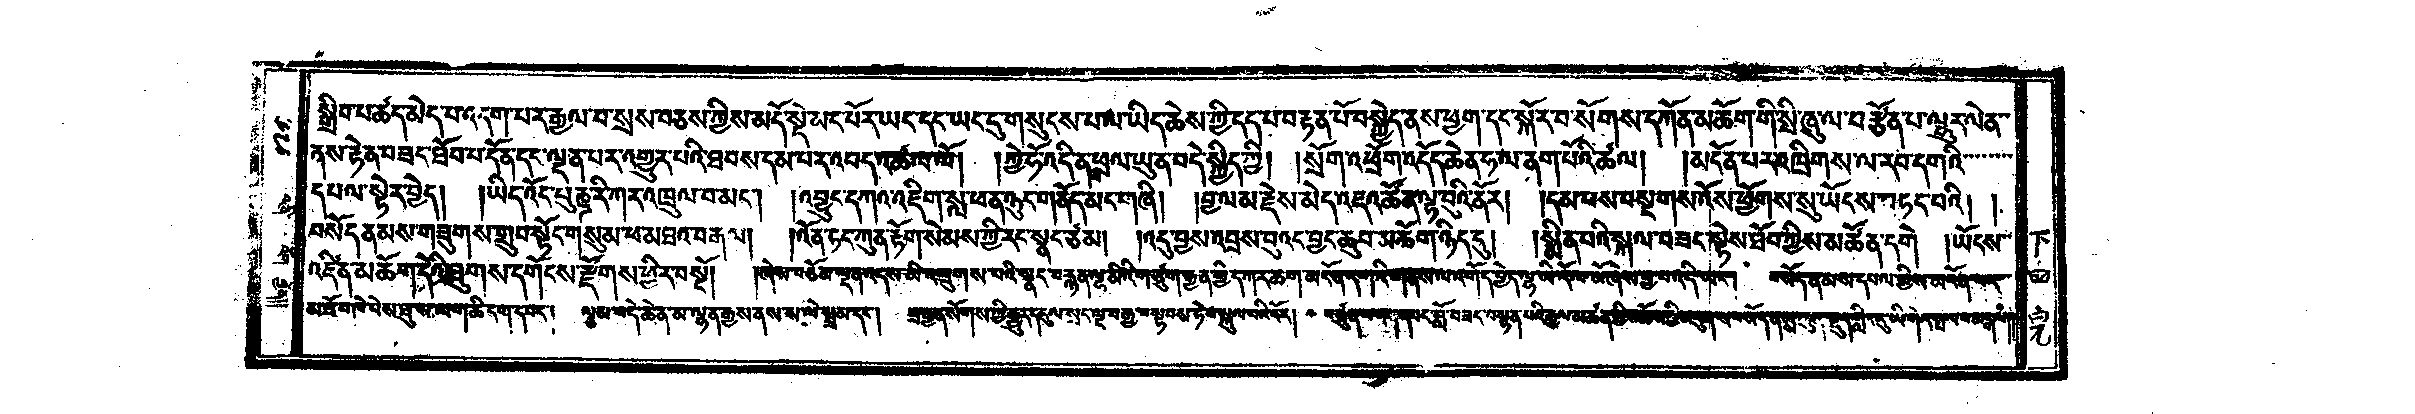སྒྲིབ་པ་ཚད་མེད་པ་འདག་པར་རྒྱལ་བ་སྲས་བཅས་ཀྱིས་མདོ་སྡེ་མང་པོར་ཡང་དང་ཡང་དུ་གསུངས་པ་ལ་ཡིད་ཆེས་ཀྱི་དད་པ་བརྟན་པོ་བསྐྱེད་ནས་ཕྱག་དང་སྐོར་བ་སོགས་དཀོན་མཆོག་གི་སྲི་ཞུ་ལ་བརྩོན་པ་ལྷུར་ལེན་
ནས་རྟེན་བཟང་ཐོབ་པ་དོན་དང་ལྡན་པར་འགྱུར་པའི་ཐབས་དམ་པར་འབད་འཚལ་ལོ། །ཀྱེ་ཧོ་འདི་ན་འཕྲལ་ཡུན་བདེ་སྐྱིད་ཀྱི། །སྲོག་འཕྲོག་འདོད་ཆེན་ཧ་ལ་ནག་པོའི་ཚལ། །མངོན་པར་འཁྲིགས་ལ་རབ་དགའི་
དཔལ་སྟེར་བྱེད། །ཡིད་འོང་པུཎྜ་རི་ཀར་འཁྲུལ་བ་མང་། །འབྱུང་དཀའ་འཇིག་སླ་ཕན་ཉུང་གནོད་མར་གཞི། །བྱ་ལམ་རྗེས་མེད་འཇའ་ཚོན་ལྟ་བུའི་ནོར། །དམ་པས་བསྔགས་འོས་ཕྱོགས་སུ་ཡོངས་བཏང་བའི། །
བསོད་ནམས་གཟུགས་གྲུབ་སྟོང་གསུམ་ཕ་མཐའ་བརྒལ། །འོན་ཏང་ཀུན་རྟོག་སེམས་ཀྱི་རང་སྣང་ཙམ། །འདུ་བྱས་འབྲས་བུའང་བྱང་ཆུབ་མཆོག་ཉིད་དུ། །སྨིན་པའི་སྐལ་བཟང་སྟེས་ཐོབ་ཀྱིས་མཚོན་དགེ །ཡོངས་
འཛིན་མཆོག་དེའི་ཐུགས་དགོངས་རྫོགས་ཕྱིར་བསྔོ། །ཞེས་བཅོམ་ལྡན་འདས་མི་འཁྲུགས་པའི་སྣང་བརྙན་ལྷ་མིའི་གཙུག་རྒྱན་གྱི་དཀར་ཆག་མངོན་དགའི་གནས་ལ་འགོད་བྱེད་ལྷ་ཡི་རོལ་མོ་ཞེས་བྱ་བ་འདི་ཡང་། བསོད་ནམས་དཔལ་གྱིས་མངོན་པར་
མཐོ་བ་ཁེ་པེས་ཐུ་ས་ལག་ཆི་ངག་དབང་། ལྕམ་བདེ་ཆེན་མ་ལྷན་རྒྱས་ནས་ས་ལེ་སྦྲམ་དང་། ཕྲ་རྒྱན་སོགས་ཀྱི་རྒྱུར་དངུལ་སྲང་ལྔ་བརྒྱ་བསྟབས་ཏེ་བསྐུལ་བའི་ངོར། ༧་བཙུན་པ་ངག་དབང་བློ་བཟང་བསྟན་པའི་རྒྱལ་མཚན་གྱིས་ཆོས་ཀྱི་མདུན་ས་བསོད་ནམས་ཀུན་སྡུད་གླིང་དུ་ཡི་གེར་སྤེལ་བ་མངྒལཾ། །